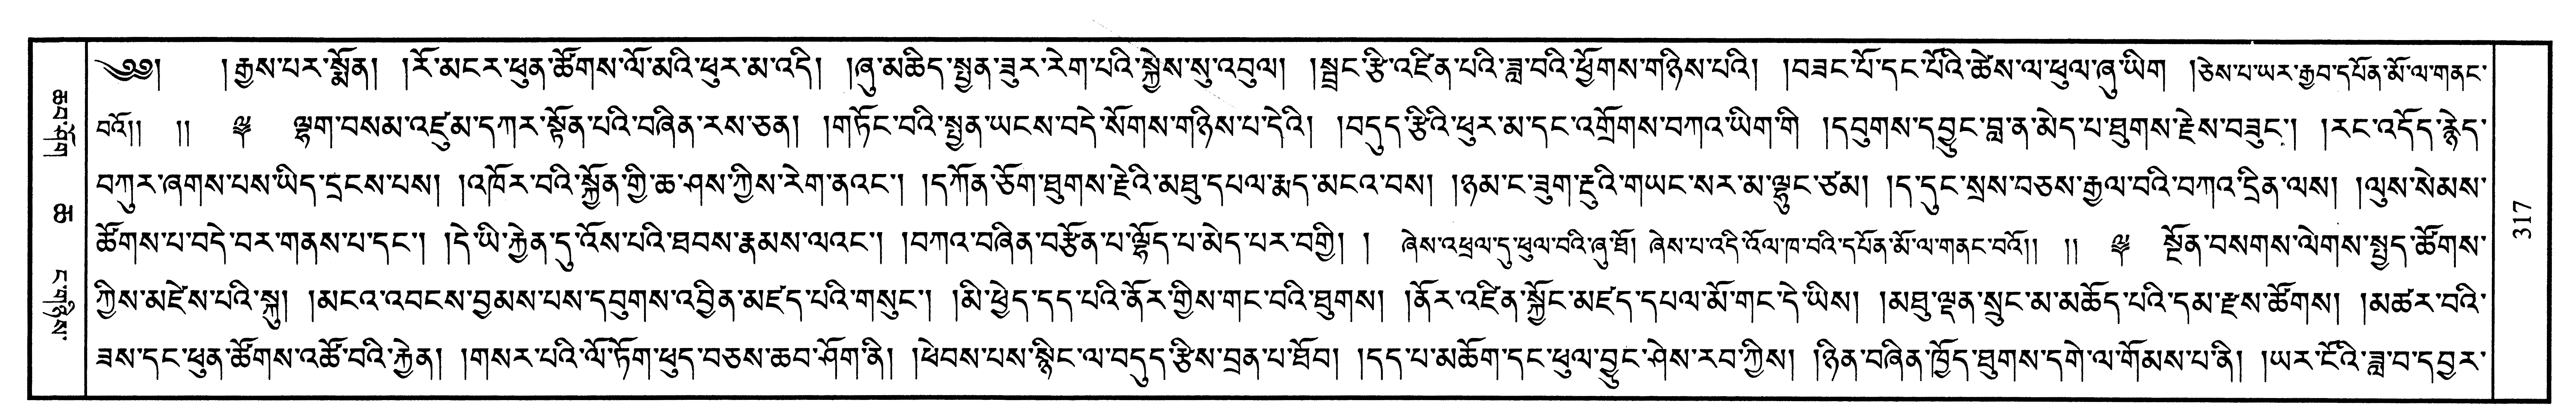༄༅། །རྒྱས་པར་སྨོན། །རོ་མངར་ཕུན་ཚོགས་ལོ་མའི་ཕུར་མ་འདི། །ཞུ་མཆིད་སྤྱན་ཟུར་རེག་པའི་སྐྱེས་སུ་འབུལ། །སྦྲང་རྩི་འཛིན་པའི་ཟླ་བའི་ཕྱོགས་གཉིས་པའི། །བཟང་པོ་དང་པོའི་ཚེས་ལ་ཕུལ་ཞུ་ཡིག །ཅེས་པ་ཡར་རྒྱབ་དཔོན་མོ་ལ་གནང་
བའོ།། །། ༈ ལྷག་བསམ་འཛུམ་དཀར་སྟོན་པའི་བཞིན་རས་ཅན། །གཏོང་བའི་སྤྱན་ཡངས་བདེ་སོགས་གཉིས་པ་དེའི། །བདུད་རྩིའི་ཕུར་མ་དང་འགྲོགས་བཀའ་ཡིག་གི །དབུགས་དབྱུང་བླ་ན་མེད་པ་ཐུགས་རྗེས་བཟུང་། །རང་འདོད་རྙེད་
བཀུར་ཞགས་པས་ཡིད་དྲངས་པས། །འཁོར་བའི་སྐྱོན་གྱི་ཆ་ཤས་ཀྱིས་རེག་ནའང་། །དཀོན་ཅོག་ཐུགས་རྗེའི་མཐུ་དཔལ་རྨད་མངའ་བས། །ཉམ་ང་ཟུག་རྔུའི་གཡང་སར་མ་ལྷུང་ཙམ། །ད་དུང་སྲས་བཅས་རྒྱལ་བའི་བཀའ་དྲིན་ལས། །ལུས་སེམས་
ཚོགས་པ་བདེ་བར་གནས་པ་དང་། །དེ་ཡི་རྐྱེན་དུ་འོས་པའི་ཐབས་རྣམས་ལའང་། །བཀའ་བཞིན་བརྩོན་པ་ལྷོད་པ་མེད་པར་བགྱི། ཞེས་འཕྲལ་དུ་ཕུལ་བའི་ཞུ་ཐོ། ཞེས་པ་འདི་འོལ་ཁ་བའི་དཔོན་མོ་ལ་གནང་བའོ།། །། ༈ སྔོན་བསགས་ལེགས་སྤྱད་ཚོགས་
ཀྱིས་མཛེས་པའི་སྐུ། །མངའ་འབངས་བྱམས་པས་དབུགས་འབྱིན་མཛད་པའི་གསུང་། །མི་ཕྱེད་དད་པའི་ནོར་གྱིས་གང་བའི་ཐུགས། །ནོར་འཛིན་སྐྱོང་མཛད་དཔལ་མོ་གང་དེ་ཡིས། །མཐུ་ལྡན་སྲུང་མ་མཆོད་པའི་དམ་རྫས་ཚོགས། །མཚར་བའི་
ཟས་དང་ཕུན་ཚོགས་འཚོ་བའི་རྐྱེན། །གསར་པའི་ལོ་ཏོག་ཕུད་བཅས་ཆབ་ཤོག་ནི། །ཕེབས་པས་སྙིང་ལ་བདུད་རྩིས་བྲན་པ་ཐོབ། །དད་པ་མཆོག་དང་ཕུལ་བྱུང་ཤེས་རབ་ཀྱིས། །ཉིན་བཞིན་ཁྱོད་ཐུགས་དགེ་ལ་གོམས་པ་ནི། །ཡར་ངོའི་ཟླ་བ་དབྱར་